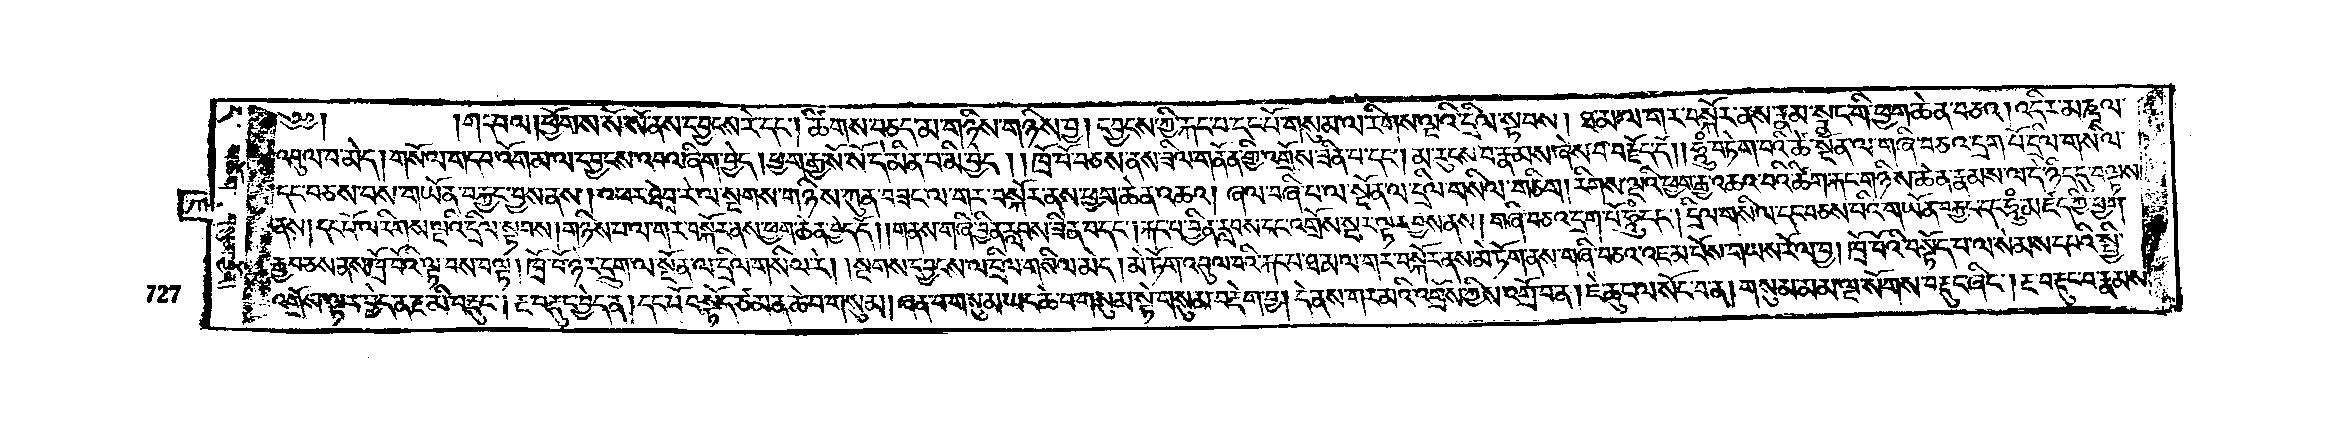༄༅། །གདབ་ལ། ཕྱོགས་སོ་སོ་ནས་དབྱངས་རེ་དང་། ཚིགས་བཅད་མ་གཉིས་གཉིས་བྱ། དབྱངས་ཀྱི་རྐང་པ་དང་པོ་གསུམ་ལ་རིགས་ལྔའི་དྲིལ་སྟབས། ཐ་མ་ལ་གར་བསྐོར་ནས་རྣམ་སྣང་གི་ཕྱག་ཆེན་བཅའ། འདིར་མཎྜལ་
འབུལ་བ་མེད། གསོལ་གདབ་འོག་མ་ལ་དབྱངས་འབའ་ཞིག་བྱེད། ཕྱག་རྒྱ་སོ་སོ་དེ་མིན་པ་མི་བྱེད། །ཁྲོ་བོ་བཅས་ནས་ཟིལ་གནོན་གྱི་འགྲོས་ཟིན་པ་དང་། མ་རུངས་པ་རྣམས་ཞེས་པ་བརྗོད་དོ། །ཧཱུཾ་བཏེག་པའི་ཚེ་སྔོན་ལ་གཞི་བཅའ་དྲག་པོ་དྲིལ་གསིལ་
དང་བཅས་པས་གཡོན་བརྐྱང་བྱས་ནས། འཕར་ཐེབས་རེ་ལ་སྔགས་གཉིས་ཀུན་བཟང་ལ་གར་བསྐོར་ནས་ཕྱག་ཆེན་འཆའ། ཞལ་བཞི་པ་ལ་སྔོན་ལ་དྲིལ་གསིལ་གཅིག །རིགས་ལྔའི་ཕྱག་རྒྱ་འཆའ་བའི་ཚིག་རྐང་གཉིས་ཆེན་རྣམས་ལ་དེ་ཉིད་དུ་བལྟས་
ནས། དང་པོ་ལ་རིགས་ལྔའི་དྲིལ་སྟབས། གཉིས་པ་ལ་གར་བསྐོར་ནས་ཕྱག་ཆེན་བྱེད་དོ། །གནས་གཞི་བྱིན་རླབས་ཟིན་པ་དང་། རྐང་པ་བྱིན་རླབས་དང་འགྲོས་སྔར་ལྟར་བྱས་ནས། གཞི་བཅའ་དྲག་པོ་ཧཱུཾ་དང་། དྲིལ་གསིལ་དང་བཅས་པའི་གཡོན་བརྐྱང་དང་ཧཱུཾ་མཛད་ཀྱི་ཕྱག་
རྒྱ་བཅས་ནས་ཁྲོ་བོའི་ལྟ་བས་བལྟ། ཁྲོ་བོ་ཉེར་དྲུག་ལ་སྔོན་ལ་དྲིལ་གསིལ་རེ། །སྔགས་དབྱངས་ལ་དྲིལ་གསིལ་མེད། མེ་ཏོག་འབུལ་བའི་རྐང་པ་ཐ་མ་ལ་གར་བསྐོར་ནས་མེ་ཏོག་ནས་གཞི་བཅའ་འཇམ་པོས་གཡས་རོལ་བྱ། ཁྲོ་བོའི་བསྟོད་པ་ལ་སེམས་དཔའི་སྤྱི་
འགྲོས་ལྟར་བྱེད་ན་རྔ་མི་བརྡུང་། རྔ་བརྡུང་བྱེད་ན། དང་པོ་བསྟོད་ཙམ་ན་ཆེ་བ་གསུམ། ཞན་པ་གསུམ་ཡང་ཆེ་བ་གསུམ་སྟེ་གསུམ་བརྡེག་བྱ། དེ་ནས་གར་མའི་འགྲོས་ཀྱིས་འགྲོ་བ་ན། ཇེ་ཆུང་ལ་སོང་བ་ན། གསུམ་མམ་ལྔ་སོགས་བརྡུང་ཞིང་། རྔ་བརྡུང་བ་རྣམས་